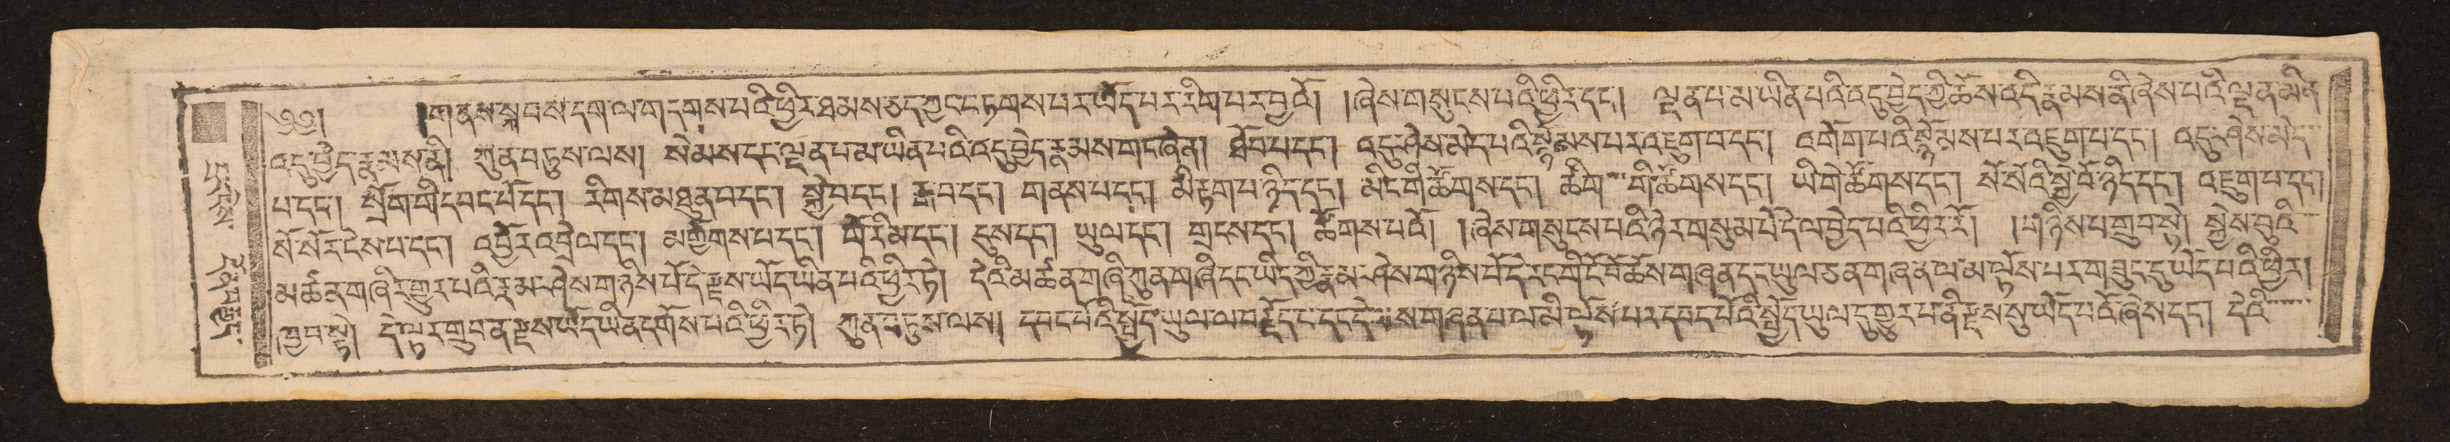༄༅། །གནས་སྐབས་དག་ལ་གདགས་བའི་ཕྱིར་ཐམས་ཅད་ཀྱང་བཏགས་པར་ཡོད་པར་རིག་པར་བྱའོ། །ཞེས་གསུངས་པའི་ཕྱིར་དང་། ལྡན་པ་མ་ཡིན་པའི་འདུ་བྱེད་ཀྱི་ཆོས་འདི་རྣམས་ནི་ཞེས་པའི་ལྡན་མིན་
འདུ་བྱེད་རྣམས་ནི། ཀུན་བཏུས་ལས། སེམས་དང་ལྡན་པ་མ་ཡིན་པའི་འདུ་བྱེད་རྣམས་གང་ཞེ་ན། ཐོབ་པ་དང་། འདུ་ཤེས་མེད་པའི་སྙོམས་པར་འཇུག་པ་དང་། འགོག་པའི་སྙོམས་པར་འཇུག་པ་དང་། འདུ་ཤེས་མེད་
པ་དང་། སྲོག་གི་དབང་པོ་དང་། རིགས་མཐུན་པ་དང་། སྐྱེ་བ་དང་། རྒ་བ་དང་། གནས་པ་དང་། མི་རྟག་པ་ཉིད་དང་། མིང་གི་ཚོགས་དང་། ཚིག་གི་ཚོགས་དང་། ཡི་གེ་ཚོགས་དང་། སོ་སོའི་སྐྱེ་བོ་ཉིད་དང་། འཇུག་པ་དང་།
སོ་སོར་ངེས་པ་དང་། འབྱོར་འབྲེལ་དང་། མགྱོགས་པ་དང་། གོ་རིམ་དང་། དུས་དང་། ཡུལ་དང་། གྲངས་དང་། ཚོགས་པའོ། །ཞེས་གསུངས་པའི་ཉེར་གསུམ་པོ་དེ་ལ་བྱེད་པའི་ཕྱིར་རོ། །གཉིས་པ་གྲུབ་སྟེ། སྐྱེས་བུའི་
མཚན་གཞིར་གྱུར་པའི་རྣམ་ཤེས་གཉིས་པོ་དེ་རྫས་ཡོད་ཡིན་པའི་ཕྱིར་ཏེ། དེའི་མཚན་གཞི་ཀུན་གཞི་དང་ཡིད་ཀྱི་རྣམ་ཤེས་གཉིས་པོ་དེ་རང་གི་ངོ་བོ་ཆོས་གཞན་དང་ཡུལ་ཅན་གཞན་ལ་མ་ལྟོས་པར་གཟུང་དུ་ཡོད་པའི་ཕྱིར།
ཁྱབ་སྟེ། དེ་ལྟར་གྲུབ་ན་རྫས་ཡོད་ཡིན་དགོས་པའི་ཕྱིར་ཏེ། ཀུན་བཏུས་ལས། དབང་པོའི་སྤྱོད་ཡུལ་ལ་བརྗོད་པ་དང་དེ་ལས་གཞན་པ་ལ་མི་ལྟོས་པར་དབང་པོའི་སྤྱོད་ཡུལ་དུ་གྱུར་བ་ནི་རྫས་སུ་ཡོད་པའོ་ཞེས་དང་། དེའི་